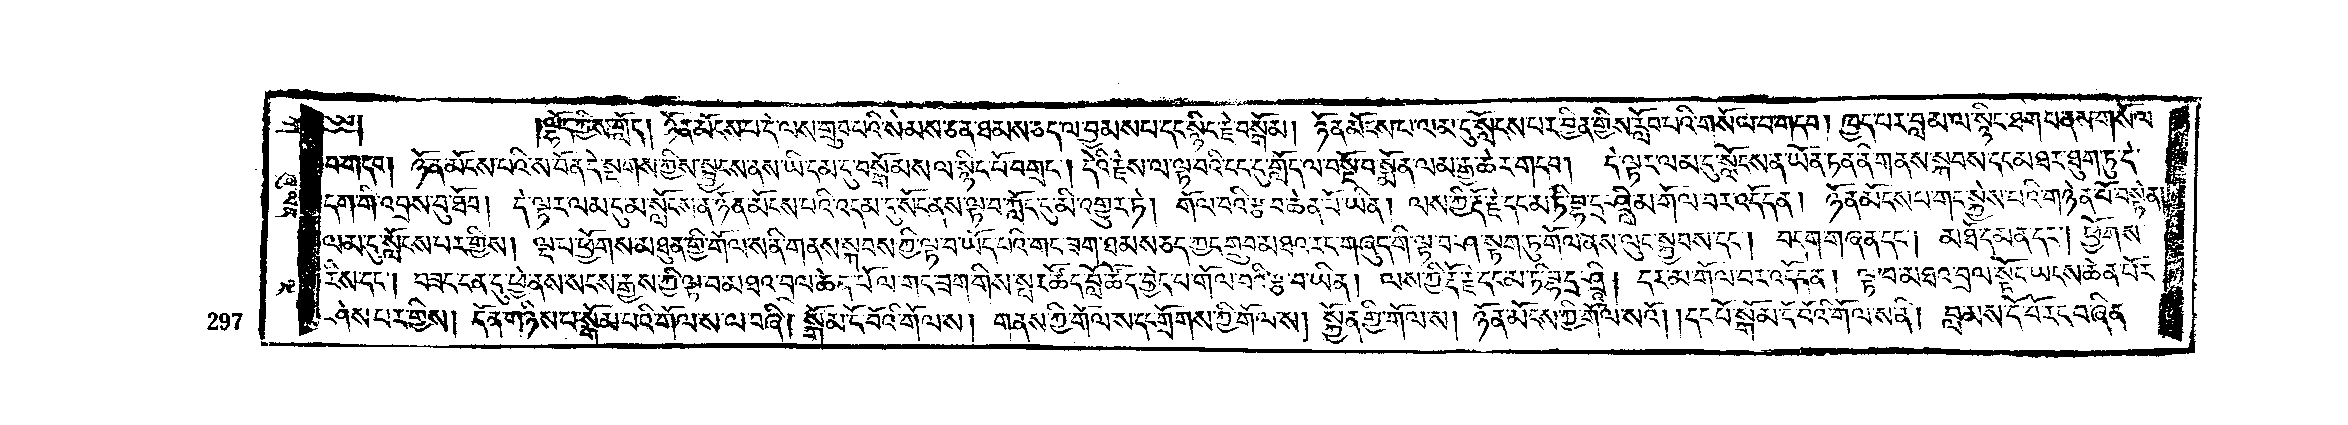༄༅། །ལྷོད་ཀྱིས་གློད། ཉོན་མོངས་པ་དེ་ལས་གྲུབ་པའི་སེམས་ཅན་ཐམས་ཅད་ལ་བྱམས་པ་དང་སྙིང་རྗེ་བསྒོམ། ཉོན་མོངས་པ་ལམ་དུ་སློངས་པར་བྱིན་གྱིས་རློབ་པའི་གསོལ་བ་གདབ། ཁྱད་པར་བླ་མ་ལ་སྙིང་ཐག་པ་ནས་གསོལ་
བ་གདབ། ཉོན་མོངས་པའི་ས་བོན་དེ་སྔགས་ཀྱི་སྦྱངས་ནས་ཡི་དམ་དུ་བསྒོམས་ལ་སྙིང་པོ་བགྲང་། དེའི་རྗེས་ལ་ལྟ་བའི་ངང་དུ་གློད་ལ་བསྔོ་བ་སྨོན་ལམ་རྒྱ་ཆེར་གདབ། དེ་ལྟར་ལམ་དུ་སློངས་ན་ཡོན་ཏན་ནི་གནས་སྐབས་དང་མཐར་ཐུག་ཏུ་དེ་
དག་གི་འབྲས་བུ་ཐོབ། དེ་ལྟར་ལམ་དུ་མ་སློངས་ན་ཉོན་མོངས་པའི་འདམ་དུ་སོང་ནས་ལྟ་བ་ཀློང་དུ་མི་འགྱུར་ཏེ། གོལ་བའི་རྩ་བ་ཆེན་པོ་ཡིན། ལས་ཀྱི་རྡོ་རྗེ་དང་མ་ཏི་བྷ་དྲ་ཤྲཱི་མ་གོལ་བར་འདོད་ན། ཉོན་མོངས་པ་གང་སྐྱེས་པའི་གཉེན་པོ་བསྟེན།
ལམ་དུ་སློངས་པར་གྱིས། ལྔ་པ་ཕྱོགས་མཐུན་གྱི་གོལ་ས་ནི་གནས་སྐབས་ཀྱི་ལྟ་བ་ཡོད་པའི་གང་ཟག་ཐམས་ཅད་ཀྱང་གྲུབ་མཐའ་རང་གཞུང་གི་ལྟ་བ་ཤ་སྟག་ཏུ་གོལ་ནས་ལུང་སྐྱབས་དང་། བདག་གཞན་དང་། མཐོ་དམན་དང་། ཕྱོགས་
རིས་དང་། བཟང་ངན་དུ་ཕྱེ་ནས་སངས་རྒྱས་ཀྱི་ལྟ་བ་མཐའ་བྲལ་ཆེན་པོ་ལ་གང་ཟག་གིས་སྦར་ཚོད་བློ་ཚོད་བྱེད་པ་གོལ་བའི་རྩ་བ་ཡིན། ལས་ཀྱི་རྡོ་རྗེ་དང་མ་ཏི་བྷ་དྲ་ཤྲཱི། དར་མ་གོལ་བར་འདོད་ན། ལྟ་བ་མཐའ་བྲལ་སྟོང་ཡངས་ཆེན་པོར་
ཤེས་པར་གྱིས། དོན་གཉིས་པ་སྒོམ་པའི་གོལ་ས་ལ་བཞི། སྒོམ་ངོ་བོའི་གོལ་ས། གནས་ཀྱི་གོལ་ས་དང་གྲོགས་ཀྱི་གོལ་ས། སྐྱོན་གྱི་གོལ་ས། ཉོན་མོངས་ཀྱི་གོལ་སའོ། །དང་པོ་སྒོམ་ངོ་བོའི་གོལ་ས་ནི། བླ་མས་ངོ་བོ་རང་བཞིན་